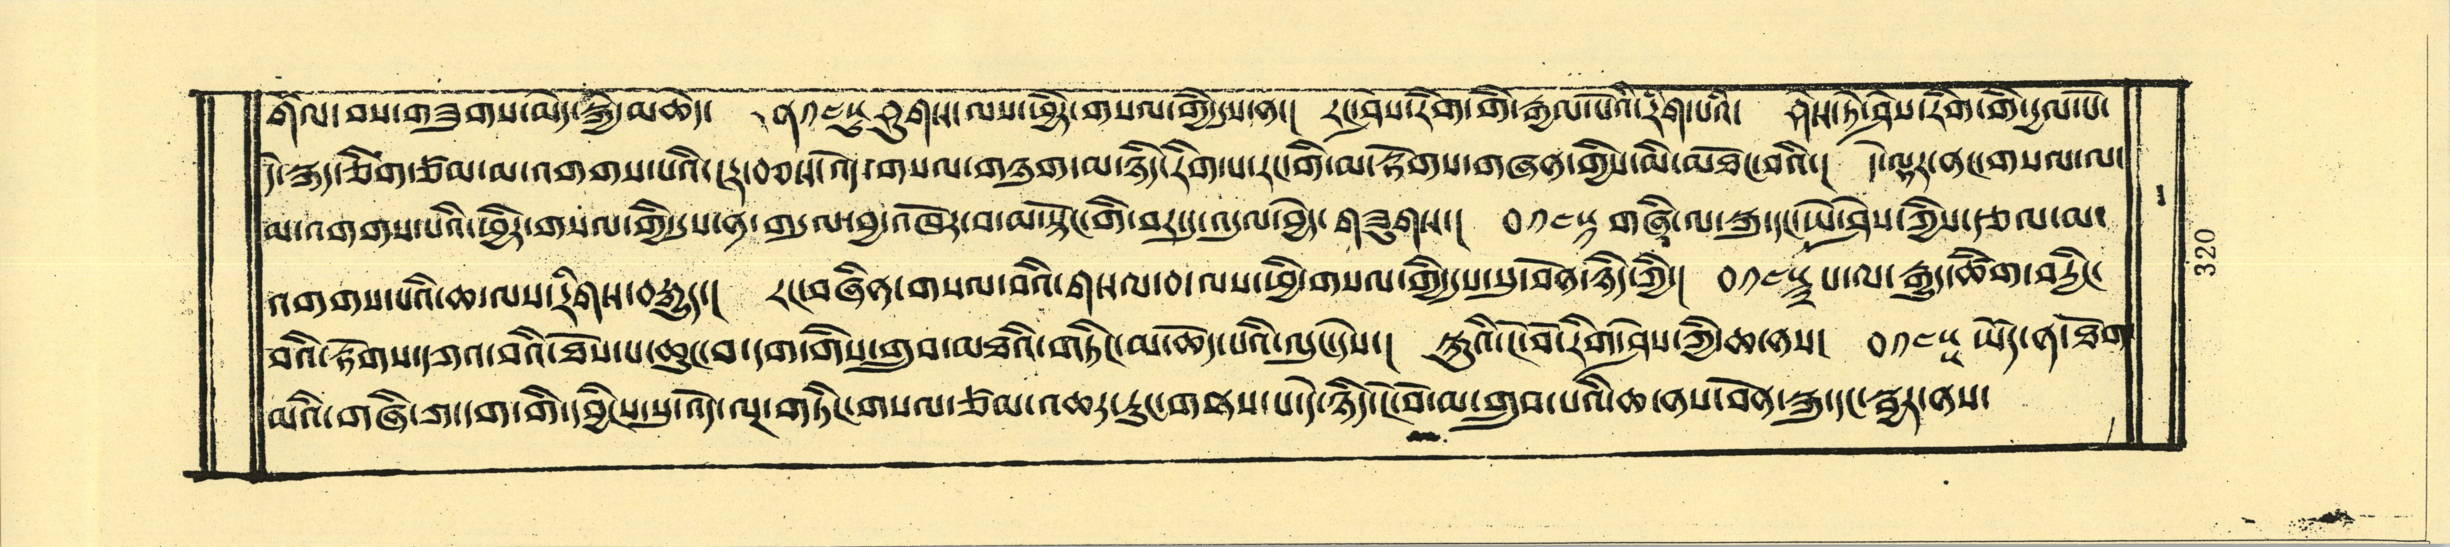གོལ་བས་གཟུགས་མེད་སྐྱེ་མཆེད། ན༡༤༥།༦ ཤུགས་ལས་ཕྱིར་གསལ་གྱི་དུས་ན། རང་ཤེས་རིག་གི་རྒྱལ་པོའི་ ༼རིག་པའི།༽ ༼ཤེས་༽ཏེ་ཤེས་རིག་གི་རྒྱལ་པོ་
དེ་སྐད་ཅིག་ཙམ་མ་འགགས་པའི་ངར་བཅས་འོད་གསལ་གཉུག་མ་ཉིད་རིག་པ་རང་གི་མ་རྟོགས་གཞན་གྱིས་མི་མཐོང་བའི། དེ་ལྟར་ནང་གསལ་ལ་
མ་འགགས་པའི་ཕྱིར་གསལ་གྱི་དུས་ན་གདུལ་བྱ་འཁོར་བ་མ་སྟོང་གི་བར་དུ་འདུལ་བྱེད་ ༼གཟུགས།༽བ༡༤༥།༡ གཞི་ལ་སྐུ་དང་ཡེ་ཤེས་ཀྱིས་རྩལ་མ་
འགགས་པའི་ཆ་ལས་རིགས་བརྒྱུད། རང་བཞིན་གསལ་བའི་གསལ་བ་ལས་ཕྱི་གསལ་གྱི་དུས་སུ་བོན་ཉིད་ཀྱི། བ༡༤༥།༣ ༼པ་ལ་༽རྒྱུད་ཚིག་བརླིང་
བའི་རྟོགས་དཀའ་བའི་ཐོས་པ་ཆུང་བ་དག་གིས་གྲུབ་མཐའི་གཏིང་མ་ཅོད་པའི་ལུང་དེས། ༼སྐུའི་༽ངོ་བོ་རིག་ཤེས་ཀྱི་ཆ་ནས། བ༡༤༥།༥ ༼ཡོད་ན་༽ཐོག་
མའི་གཞི་ཀ་དག་གི་དབྱིངས་སུ་འོད་ལྔ་གཏིང་གསལ་ཙམ་འཆར་རུང་གནས་པ་དེ་ཉིད་ངོ་བོ་མ་གྲུབ་པའི་ཆ་ནས་བོན་སྐུ་དང་སྦྱར་ནས་